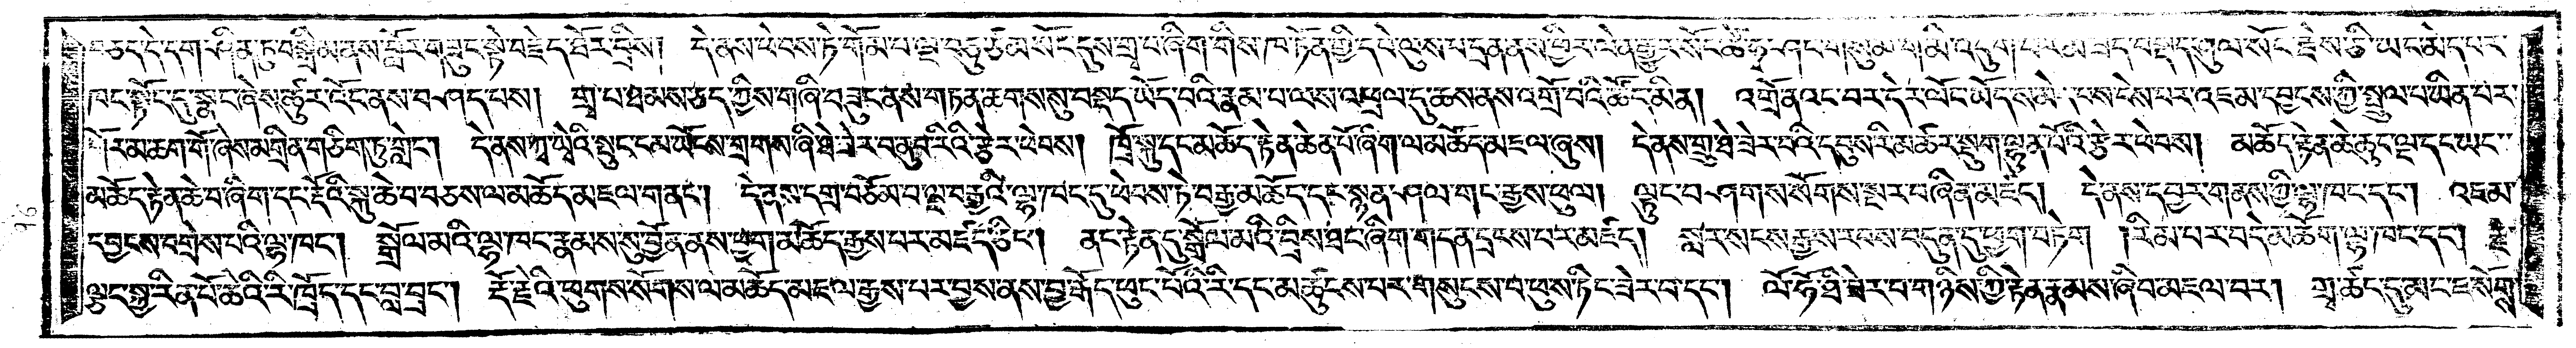བཅད་དེ་དག་ཤིན་ཏུ་བསྒྲིམ་ནས་བློར་གཟུང་སྟེ་བརྗེད་ཐོར་བྲིས། དེ་ནས་ཕེབས་ཏེ་གོམ་པ་ལྔ་བཅུ་ཙམ་སོང་དུས་གྲྭ་པ་ཞིག་གིས་ཁ་ཏོན་གྱི་དཔེ་ལུས་པ་དྲན་ནས་ཕྱིར་ལེན་རྒྱུར་སོང་ཚེ་ཧྭ་ཤང་གསུམ་ག་མི་འདུག་པར་མ་ཟད་བསྡད་ཤུལ་སོང་རྗེས་ཅི་ཡང་མེད་པར་
ཁང་སྟོང་དུ་སྣང་ཞེས་ཚུར་འོང་ནས་བཤད་པས། གྲྭ་པ་ཐམས་ཅད་ཀྱིས་གཞི་བཟུང་ནས་གཏན་ཆགས་སུ་བསྡད་ཡོད་པའི་རྣམ་པ་ལས་འཕྲལ་དུ་ཆས་ནས་འགྲོ་བའི་ཚོད་མིན། འགྲོ་ནའང་བར་དེར་ལོང་ཡོད་ས་མེད་པས་ངེས་པར་འཇམ་དབྱངས་ཀྱི་སྤྲུལ་པ་ཡིན་པར་
གོར་མཆག་གོ་ཞེས་མགྲིན་གཅིག་ཏུ་གླེང་། དེ་ནས་ཀྭ་ཡྭེའི་སྤུང་ངམ་ཡོངས་གྲགས་ཞི་ཐེ་ཟེར་བ་ནུབ་རིའི་རྩེར་ཕེབས། ཁྲོ་སྐུ་དང་མཆོད་རྟེན་ཆེན་པོ་ཞིག་ལ་མཆོད་མཇལ་ཞུས། དེ་ནས་གྲུབ་ཐེ་ཟེར་པའི་དབུས་རི་མཚར་སྡུག་ལྷུན་པོའི་རྩེར་ཕེབས། མཆོད་རྟེན་ཆེ་ཆུང་ལྔ་དང་ཡང་
མཆོད་རྟེན་ཆེ་བ་ཞིག་དང་རྡོའི་སྐུ་ཆེ་བ་བཅས་ལ་མཆོད་མཇལ་གནང་། དེ་ནས་དགྲ་བཅོམ་པ་ལྔ་བརྒྱའི་ལྷ་ཁང་དུ་ཕེབས་ཏེ་བརྒྱ་མཆོད་དང་སྙན་ཤལ་གང་རྒྱས་ཕུལ། ལྟུང་བཤགས་སོགས་སྔར་བཞིན་མཛད། དེ་ནས་དབྱར་གནས་ཀྱི་ལྷ་ཁང་དང་། འཇམ་
དབྱངས་བགྲེས་པའི་ལྷ་ཁང་། སྒྲོལ་མའི་ལྷ་ཁང་རྣམས་སུ་བྱོན་ནས་ཕྱག་མཆོད་རྒྱས་པར་མཛད་ཅིང་། ནང་རྟེན་དུ་སྒྲོལ་མའི་བྲིས་ཐང་ཞིག་གདན་དྲངས་པར་མཛད། སླར་སངས་རྒྱས་རབས་བདུན་དུ་ཕྱག་བཏེག །རིམ་པར་བདེ་མཆོག་ལྷ་ཁང་དང་། རྗེ་
ལྕང་སྐྱ་རིན་པོ་ཆེའི་རི་ཁྲོད་དང་བླ་བྲང་། རྡོ་རྗེའི་ཕུགས་སོགས་ལ་མཆོད་མཇལ་རྒྱས་པར་བྱས་ནས་བྱ་རྒོད་ཕུང་པོའི་རི་དང་མཚུངས་པར་གསུངས་པ་ཕུས་ཏིང་ཟེར་བ་དང་། ལོ་ཧོ་ཐི་ཟེར་བ་གཉིས་ཀྱི་རྟེན་རྣམས་ཞིབ་མཇལ་བར། གྲྭ་ཚང་དུ་མང་ཇ་སོགས་